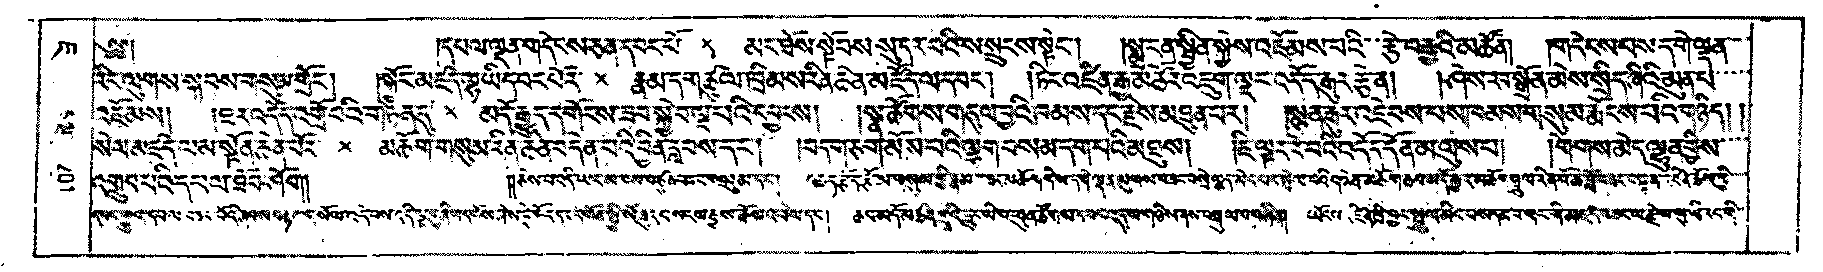༄༅། །དཔལ་ལྡན་གདེངས་ཅན་དབང་པོ་྾་མང་ཐོས་སྟོབས་སུ་དར་བའི་ས་སྲུངས་སྟེང་། །སྨྲ་ངན་སྦྱིན་སྐྱེས་འཇོམས་པའི་རྩེ་བརྒྱའི་མཚོན། །གདེངས་པས་དགེ་ལྡན་
རིང་ལུགས་སྐབས་གསུམ་གྲོང་། །སྐྱོང་མཛད་ལྷ་ཡི་དབང་པོར་྾་རྣམ་དག་ཚུལ་ཁྲིམས་རིན་ཆེན་མཛོད་ལ་དབང་། །ཏིང་འཛིན་རྒྱ་མཚོར་འཇུག་ལྡང་འདོད་རྒུར་རྩེ་ན། །ཤེས་རབ་སྒྲོན་མེས་སྲིད་ཞིའི་མུན་པ་
འཇོམས། །ཐར་འདོད་འགྲོ་བའི་གཉེན་དུ་྾་མདོ་རྒྱུད་དགོངས་ཟབ་སྐྱེ་བ་ལྔ་པའི་དབྱངས། །སྣ་ཚོགས་གདུལ་བྱའི་ཁམས་དང་རྗེས་མཐུན་པར། །སྙན་རྒུར་འཇེགས་པས་ཁམས་གསུམ་རྨོངས་པའི་གཉིད། །
སེལ་མཛད་ལམ་སྟོན་ཆེན་པོར་྾་མཆོག་གསུམ་རིན་ཆེན་བདེན་པའི་བྱིན་རླབས་དང་། །བདག་ཅག་མོས་པའི་ལྷག་བསམ་དག་པའི་མཐུས། །ཇི་ལྟར་རེ་བའི་འདོད་དོན་མ་ལུས་པ། །གེགས་མེད་ལྷུན་གྱིས་
འགྲུབ་པའི་དཔལ་ཐོབ་ཤོག ། །། ཅེས་པ་འདི་ཡང་མཁས་བཙུན་བཟང་གསུམ་དང་། འཆད་རྩོད་རྩོམ་གསུམ་གྱི་རྣམ་ཐར་མཆོག་གིས་དགེ་ལྡན་ལུགས་བཟང་བསྲེ་ལྷད་མེད་པར་སྤེལ་བའི་གཉེན་མཆོག་ཆབ་མདོ་རྒྱ་ར་མཆོག་སྤྲུལ་རིན་པོ་ཆེ་བློ་བཟང་བསྟན་འཛིན་ཆོས་ཀྱི་
དབང་ཕྱུག་དཔལ་བཟང་པོའི་ཞབས་བརྟན་གསོལ་འདེབས་འདི་ལྟ་བུ་ཞིག་དགོས་ཞེས་ཏྲེ་ཧོར་དར་དགོན་སྤྱི་སོ་ཟུར་པ་སངས་རྒྱས་ཆོས་འཕེལ་དང་། ཆབ་མདོ་མཚན་གྲྭའི་དྲུང་ཡིག་ཕུན་ཚོགས་དབང་འདུས་གཉིས་ནས་བསྐུལ་བ་བཞིན། ཡོངས་འཛིན་ཁྲི་བྱང་སྤྲུལ་མིང་པས་དམ་པ་གང་གི་མཛད་བཟང་ལ་རྗེས་སུ་ཡི་རང་གི་